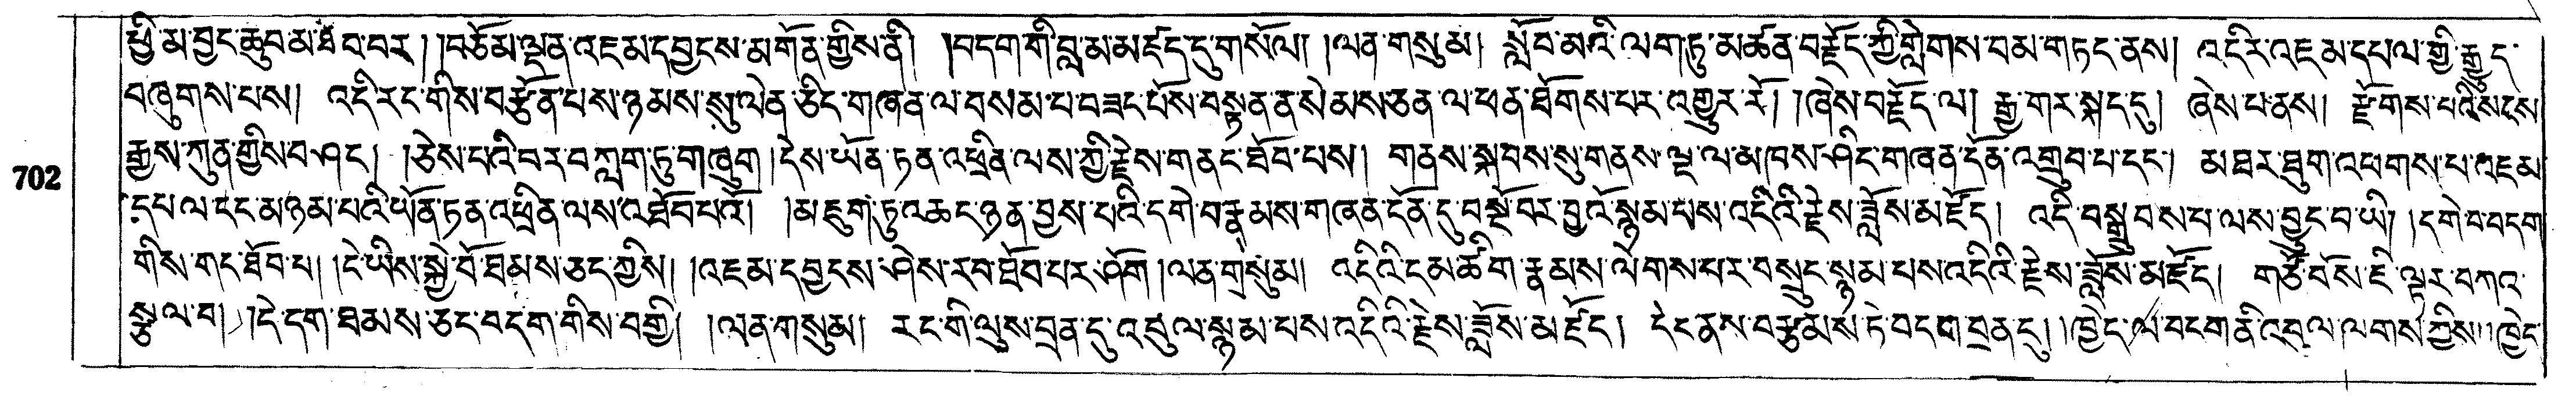ཕྱི་མ་བྱང་ཆུབ་མ་ཐོབ་བར། །བཅོམ་ལྡན་འཇམ་དབྱངས་མགོན་གྱིས་ནི། །བདག་གི་བླ་མ་མཛད་དུ་གསོལ། །ལན་གསུམ། སློབ་མའི་ལག་ཏུ་མཚན་བརྗོད་ཀྱི་གླེགས་བམ་གཏད་ནས། འདིར་འཇམ་དཔལ་གྱི་རྒྱུད་
བཞུགས་པས། འདི་རང་གིས་བརྩོན་པས་ཉམས་སུ་ལེན་ཅིང་གཞན་ལ་བསམ་པ་བཟང་པོས་བསྟན་ན་སེམས་ཅན་ལ་ཕན་ཐོགས་པར་འགྱུར་རོ། །ཞེས་བརྗོད་ལ། རྒྱ་གར་སྐད་དུ། ཞེས་པ་ནས། རྫོགས་པའི་སངས་
རྒྱས་ཀུན་གྱིས་བཤད། །ཅེས་པའི་བར་བཀླག་ཏུ་གཞུག །དེས་ཡོན་ཏན་འཕྲིན་ལས་ཀྱི་རྗེས་གནང་ཐོབ་པས། གནས་སྐབས་སུ་གནས་ལྔ་ལ་མཁས་ཤིང་གཞན་དོན་འགྲུབ་པ་དང་། མཐར་ཐུག་འཕགས་པ་འཇམ་
དཔལ་དང་མཉམ་པའི་ཡོན་ཏན་འཕྲིན་ལས་འཐོབ་པའོ། །མཇུག་ཏུ་འཆད་ཉན་བྱས་པའི་དགེ་བ་རྣམས་གཞན་དོན་དུ་བསྔོ་བར་བྱའོ་སྙམ་པས་འདིའི་རྗེས་ཟློས་མཛོད། འདི་བསྒྲུབས་པ་ལས་བྱུང་བ་ཡི། །དགེ་བ་བདག་
གིས་གང་ཐོབ་པ། །དེ་ཡིས་སྐྱེ་བོ་ཐམས་ཅད་ཀྱིས། །འཇམ་དབྱངས་ཤེས་རབ་ཐོབ་པར་ཤོག །ལན་གསུམ། འདིའི་དམ་ཚིག་རྣམས་ལེགས་པར་བསྲུང་སྙམ་པས་འདིའི་རྗེས་ཟློས་མཛོད། གཙོ་བོས་ཇི་ལྟར་བཀའ་
སྩལ་བ། །དེ་དག་ཐམས་ཅད་བདག་གིས་བགྱི། །ལན་གསུམ། རང་གི་ལུས་བྲན་དུ་འབུལ་སྙམ་པས་འདིའི་རྗེས་ཟློས་མཛོད། དེང་ནས་བརྩམས་ཏེ་བདག་བྲན་དུ། །ཁྱེད་ལ་བདག་ནི་འབུལ་ལགས་ཀྱི། །ཁྱེད་